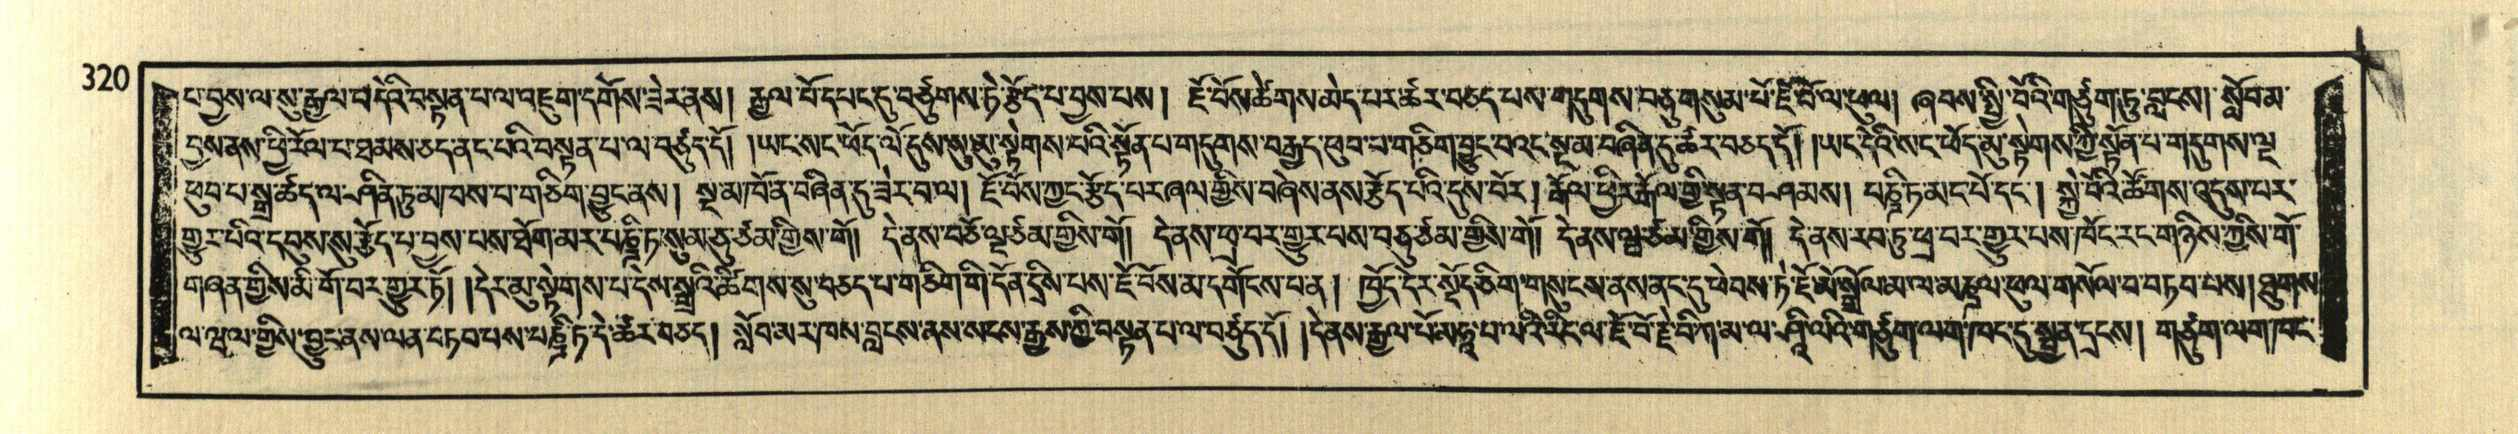པ་བྱས་ལ་སུ་རྒྱལ་བ་དེའི་བསྟན་པ་ལ་འཇུག་དགོས་ཟེར་ནས། རྒྱལ་པོ་དཔང་དུ་བཙུགས་ཏེ་རྩོད་པ་བྱས་པས། ཇོ་བོས་ཚེགས་མེད་པར་ཚར་བཅད་པས་གདུགས་བཅུ་གསུམ་པོ་ཇོ་བོ་ལ་ཕུལ། ཞབས་སྤྱི་བོའི་གཙུག་ཏུ་བླངས། སློབ་མ་
བྱས་ནས་ཕྱི་རོལ་པ་ཐམས་ཅད་ནང་པའི་བསྟན་པ་ལ་བཙུད་དོ། །ཡང་སང་ཕོད་ལོ་དུས་སུ་མུ་སྟེགས་པའི་སྟོན་པ་གདུགས་བརྒྱད་ཕུབ་པ་གཅིག་བྱུང་བའང་སྔ་མ་བཞིན་དུ་ཚར་བཅད་དོ། །ཡང་དེའི་སང་ཕོད་མུ་སྟེགས་ཀྱི་སྟོན་པ་གདུགས་ལྔ་
ཕུབ་པ་སྒྲ་ཚད་ལ་ཤིན་ཏུ་མཁས་པ་གཅིག་བྱུང་ནས། སྔ་མ་ཁོ་ན་བཞིན་དུ་ཟེར་བ་ལ། ཇོ་བོས་ཀྱང་རྩོད་པར་ཞལ་གྱིས་བཞེས་ནས་རྩོད་པའི་དུས་བོར། རྒོལ་ཕྱིར་རྒོལ་གྱི་སྟན་བཤམས། པཎྜི་ཏ་མང་པོ་དང་། སྐྱེ་བོའི་ཚོགས་འདུས་པར་
གྱུར་པའི་དབུས་སུ་རྩོད་པ་བྱས་པས་ཐོག་མར་པཎྜི་ཏ་སུམ་ཅུ་ཙམ་གྱིས་གོ། དེ་ནས་བཅོ་ལྔ་ཙམ་གྱིས་གོ། དེ་ནས་ཕྲ་བར་གྱུར་པས་བཅུ་ཙམ་གྱིས་གོ། དེ་ནས་ཝ་ཙམ་གྱིས་གོ། དེ་ནས་རབ་ཏུ་ཕྲ་བར་གྱུར་པས་ཁོང་རང་གཉིས་ཀྱིས་གོ་
གཞན་གྱིས་མི་གོ་བར་གྱུར་ཏོ། །དེར་མུ་སྟེགས་པ་དེས་སྒྲའི་ཚིགས་སུ་བཅད་པ་གཅིག་གི་དོན་དྲིས་པས་ཇོ་བོས་མ་དགོངས་པ་ན། ཁྱོད་དེར་སྡོད་ཅིག་གསུངས་ནས་ནང་དུ་ཕེབས་ཏེ་ཇོ་མོ་སྒྲོལ་མ་ལ་མཎྜལ་ཕུལ་གསོལ་བ་བཏབ་པས། ཐུགས་
ལ་ཝལ་གྱིས་བྱུང་ནས་ལན་བཏབ་པས་པཎྜི་ཏ་དེ་ཚར་བཅད། སློབ་མར་ཁས་བླངས་ནས་སངས་རྒྱས་ཀྱི་བསྟན་པ་ལ་བཙུད་དོ། །དེ་ནས་རྒྱལ་པོ་མཧཱ་པ་ལའི་རིང་ལ་ཇོ་བོ་རྗེ་བི་ཀ་མ་ལ་ཤཱི་ལའི་གཙུག་ལག་ཁང་དུ་སྤྱན་དྲངས། གཙུག་ལག་ཁང་